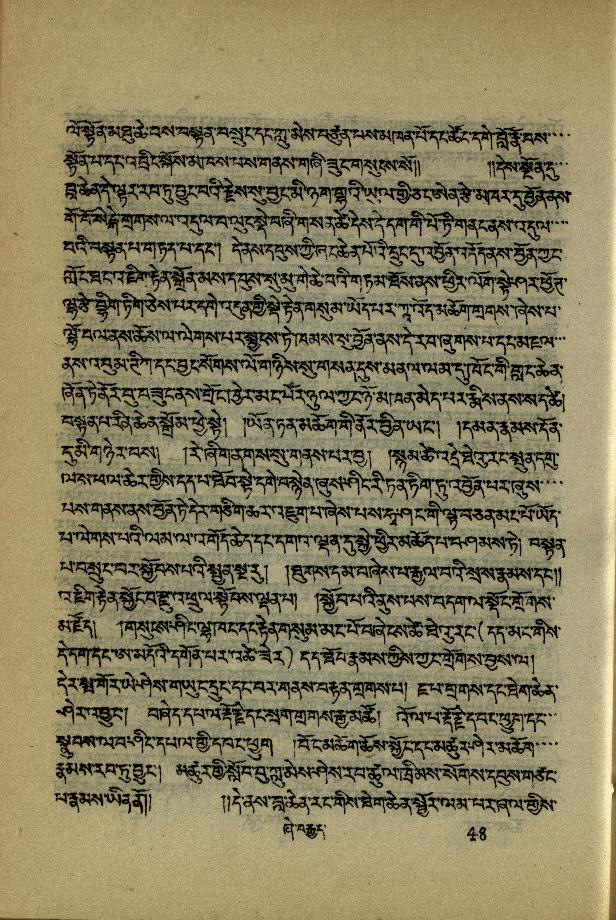ལོ་སྟོན་མཐུ་ཆེ་བས་བསྟན་བསྲུང་དང་ཀླུ་མེས་བཙུན་པས་མཁན་པོ་དང་ཚོང་དགེ་བློ་རྣོ་བས་
སྟོན་པ་དང་འབྲིང་སྐོས་མཁས་པས་གནས་གཞི་ཟུང་གསུངས་སོ།། །།དེས་སྔོན་དུ་
བླ་ཆེན་དེ་ལྟར་རབ་ཏུ་བྱུང་བའི་རྗེས་སུ་བྱང་མི་ཉག་གྷའི་ཡུལ་གྱི་ཅང་ཨེན་རྩེ་མཁར་དུ་བྱོན་ནས་
གོ་བོ་སེངྒེ་གྲགས་ལ་འདུལ་བ་ལུང་སྡེ་བཞི་གསན་ཚེ་དེས་དེ་དག་གི་པོ་ཏི་གནང་ནས་འདུལ་
བའི་བསྟན་པ་གཏད་པ་དང་། དེ་ནས་དབུས་ཀྱི་ཞང་ཆེན་པོའི་དྲུང་དུ་འབྱོན་འདོད་ནས་བྱོན་ཀྱང་
ཀློང་ཐང་འཇིག་རྟེན་སྒྲོན་མས་དབུས་སུ་མུ་གེ་ཆེ་བའི་གཏམ་ཐོས་ནས་ཕྱིར་ལོག་སྟེ་ཤར་ཕྱོཊ་
ལྷ་རྩེ་བྷིག་ཏིག་ཅེས་པར་དགེ་འདུན་གྱི་སྡེ་རྟེན་གསུམ་ཡོད་པར་ཀཱ་འོད་མཆོག་གྲགས་ཞེས་པ་
ལྷོ་བལ་ནས་ཆོས་ལ་ལེགས་པར་སྦྱངས་ཏེ་ཁམས་སུ་བྱོན་ནས་དེ་རབ་ཞུགས་པ་དང་མཇལ་
ནས་འབུམ་ཊིཀ་དང་བྱང་སོགས་ལོ་གཉིས་སུ་གསན་དུས་མནལ་ལམ་དུ་ཁོང་གི་གླང་ཆེན་
ཞོན་ཏེ་ནོར་བུ་བཟུང་ནས་གྲོང་ཁྱེར་མང་པོར་ཉུལ་ཀྱང་ཉོ་མཁན་མེད་པར་རྨིས་ནས་སད་ཚེ།
བསྟན་པ་རིན་ཆེན་སྒྲོམ་ཕྱེ་སྟེ། །ཡོན་ཏན་མཆོག་གི་ནོར་བྱིན་ཡང་། །དམན་རྣམས་དོན་
དུ་མི་གཉེར་བས། །རེ་ཞིག་ནགས་སུ་གནས་པར་བྱ། །སྙམ་ཚེ་འདྲེ་ཐེའུ་རང་སྤུན་དགུ་
ལས་ཕལ་ཆེར་གྱིས་དད་པ་ཐོབ་སྟེ་དགེ་བསྙེན་ཞུས་ཤིང་རི་ཏན་ཏིག་ཏུ་འབྱོན་པར་ཞུས་
པས་གནས་ནས་བྱོན་ཏེ་དེར་གཅིག་ཆར་འཇུག་པ་ཞེས་པས་ཧྭ་ཤང་གི་ལྟ་བ་ཅན་མང་པོ་ཡོད་
པ་ལེགས་པའི་ལམ་ལ་འགོད་ཆེད་དང་དགའ་ལྡན་དུ་སྐྱེ་ཕྱིར་མཆོད་པ་བཤམས་ཏེ། བསྟན་
པ་བསྲུང་བར་སྐྱོབས་པའི་སྤྱན་སྔ་རུ། །ཐུགས་དམ་བཞེས་པ་རྒྱལ་བའི་སྲས་རྣམས་དང།།
འཇིག་རྟེན་སྐྱོང་བརྫུ་འཕྲུལ་སྟོབས་ལྡན་པ། །སྐྱོབ་པའི་ནུས་པས་བདག་ལ་སྡོང་གྲོགས་
མཛོད། །གསུངས་ཤིང་ལྷ་ཁང་དང་རྟེན་གསུམ་མང་པོ་བཞེངས་ཚེ་ཐེའུ་རང་དད་མང་གིས་
དེ་དག་དང་ཨ་མདོའི་དགོན་པར་འཚེ་ཟེར་དད་ཐོབ་རྣམས་ཀྱིས་ཀྱང་གྲོགས་བྱས་ལ།
དེར་སྦ་གོར་ཡེ་ཤེས་གཡུང་དྲུང་དང་བར་གནས་བརྟན་གྲགས་པ། ཇ་པ་གྲགས་དང་ཐེག་ཆེན་
ཤེར་འབྱུང་། བཞེད་དཔལ་རྡོ་རྗེ་དང་སྲག་གྲགས་རྒྱ་མཚོ། འོལ་པ་རྡོ་རྗེ་དབང་ཕྱུག་དང་
སྣུབས་ལབ་ཤིང་དཔལ་གྱི་དབང་ཕྱུག །བོང་མཆོག་ཆོས་སྐྱོང་དང་མཚུར་ཤེར་མཆོག་
རྣམས་རབ་ཏུ་བྱུང་། མཚུར་གྱི་སློབ་བུ་ཀླུ་མེས་ཤེས་རབ་ཚུལ་ཁྲིམས་སོགས་དབུས་གཙང་
པ་རྣམས་ཡིན་ནོ།། །།དེ་ནས་བླ་ཆེན་རང་གིས་ཐེག་ཆེན་སྦྱོར་ལམ་པར་ཞལ་གྱིས་